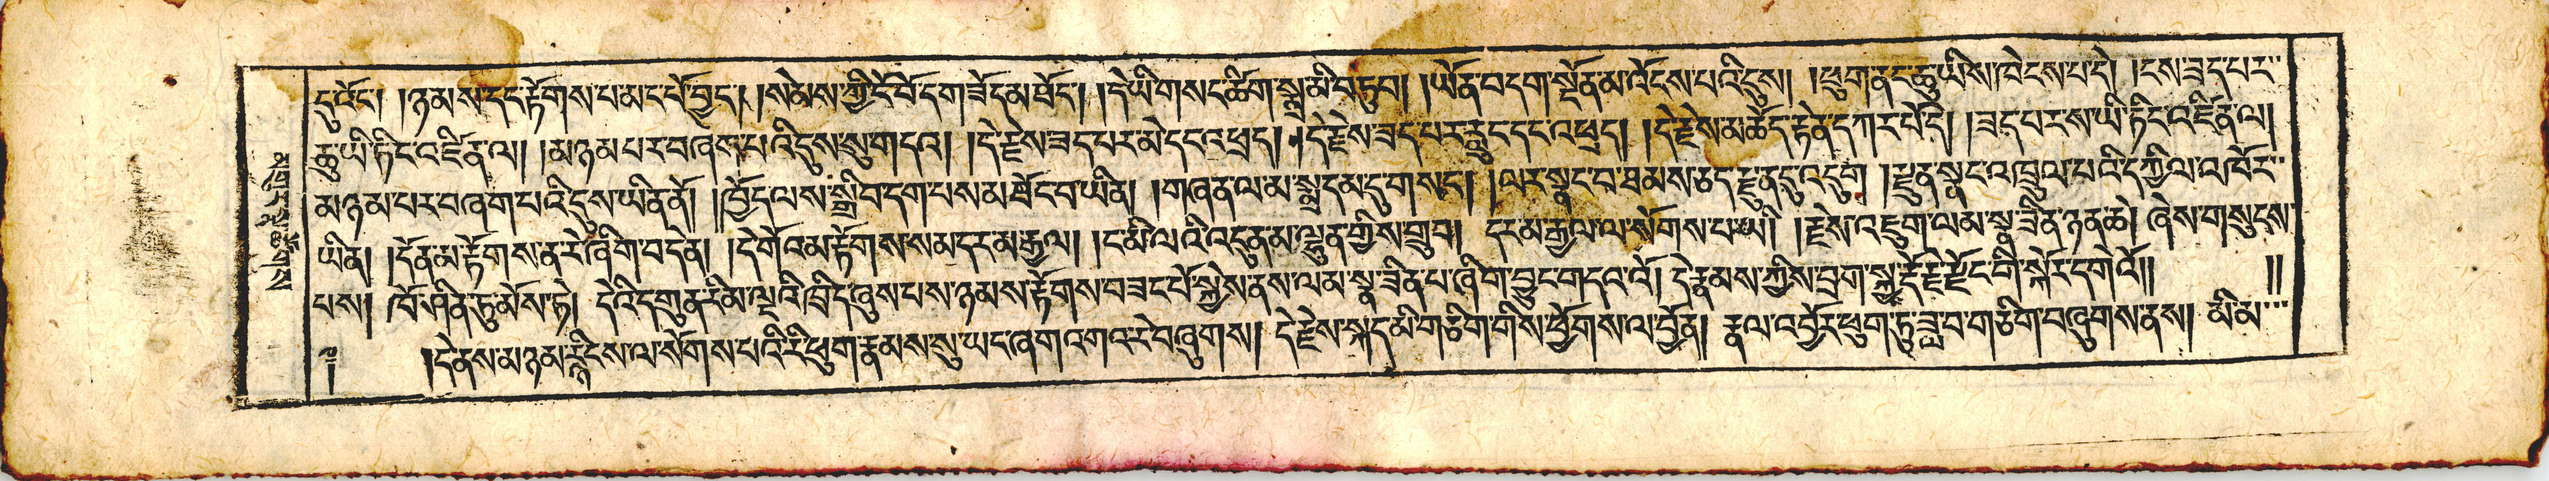དུ་འོང་། །ཉམས་དང་རྟོགས་པ་མང་པོ་བྱུང་། །སེམས་ཀྱི་ངོ་བོ་ད་གཟོད་མཐོང་། །དེ་ཡི་གསང་ཚིག་སྨྲ་མི་བཏུབ། །ཡོན་བདག་སྔོན་མ་འོངས་པའི་དུས། །ཕུག་ནང་ཆུ་ཡིས་ཁེངས་པ་དེ། །ངས་ཟད་པར་
ཆུ་ཡི་ཏིང་འཛིན་ལ། །མཉམ་པར་བཞག་པའི་དུས་སུ་གདའ། །དེ་རྗེས་ཟདཔར་མེ་དང་འཕྲད། །དེ་རྗེས་ཟད་པར་རླུང་དང་འཕྲད། །དེ་རྗེས་མཆོད་རྟེན་དཀར་པོ་དེ། །ཟད་པར་ས་ཡི་ཏིང་འཛིན་ལ། །
མཉམ་པར་བཞག་པའི་དུས་ཡིན་ནོ། །ཁྱོད་ལས་སྒྲིབ་དག་པས་མཐོངབ་ཡིན། །གཞན་ལ་མ་སྨྲ་དམ་དུ་གསང་། །ལར་སྣང་བ་ཐམས་ཅད་རྫུན་དུ་འདུག །རྫུན་སྣང་འཁྲུལ་པའི་དཀྱིལ་འཁོར་
ཡིན། །དོན་མ་རྟོགས་ན་རེ་ཞིག་བདེན། །དེ་གོ་འམརྟོགས་སམ་དར་མ་རྒྱལ། །ང་མི་ལའི་འདུན་མ་ལྷུན་གྱིས་གྲུབ། དར་མ་རྒྱལ་ལ་སོགས་པ་ཡི། །རྗེས་འཇུག་ལམ་སྣ་ཟིན་ཉན་ཆེ། ཞེས་གསུངས་
པས། ཁོ་ཤིན་ཏུ་མོས་ཏེ། དེའི་དགུན་རིམ་ལྔའི་ཁྲིད་ཞུས་པས་ཉམས་རྟོགས་བཟང་པོ་སྐྱེས་ནས་ལམ་སྣ་ཟིན་པ་ཞིག་བྱུང་གདའ་འོ། །དེརྣམས་ཀྱིས་བྲག་སྐྱ་རྡོ་རྗེ་རྫོང་གི་སྐོར་དགེའོ།།
དེ་ནས་མཉམ་རྙིངས་ལ་སོགས་པའི་རི་ཕུག་རྣམས་སུ་ཡང་ཞག་འགའ་རེ་བཞུགས། དེ་རྗེས་སྐད་མི་གཅིག་གིས་ཕྱོགས་ལ་བྱོན། རྣལ་འབྱོར་ཕུག་ཏུ་ཟླ་བ་གཅིག་བཞུགས་ནས། མི་མ་